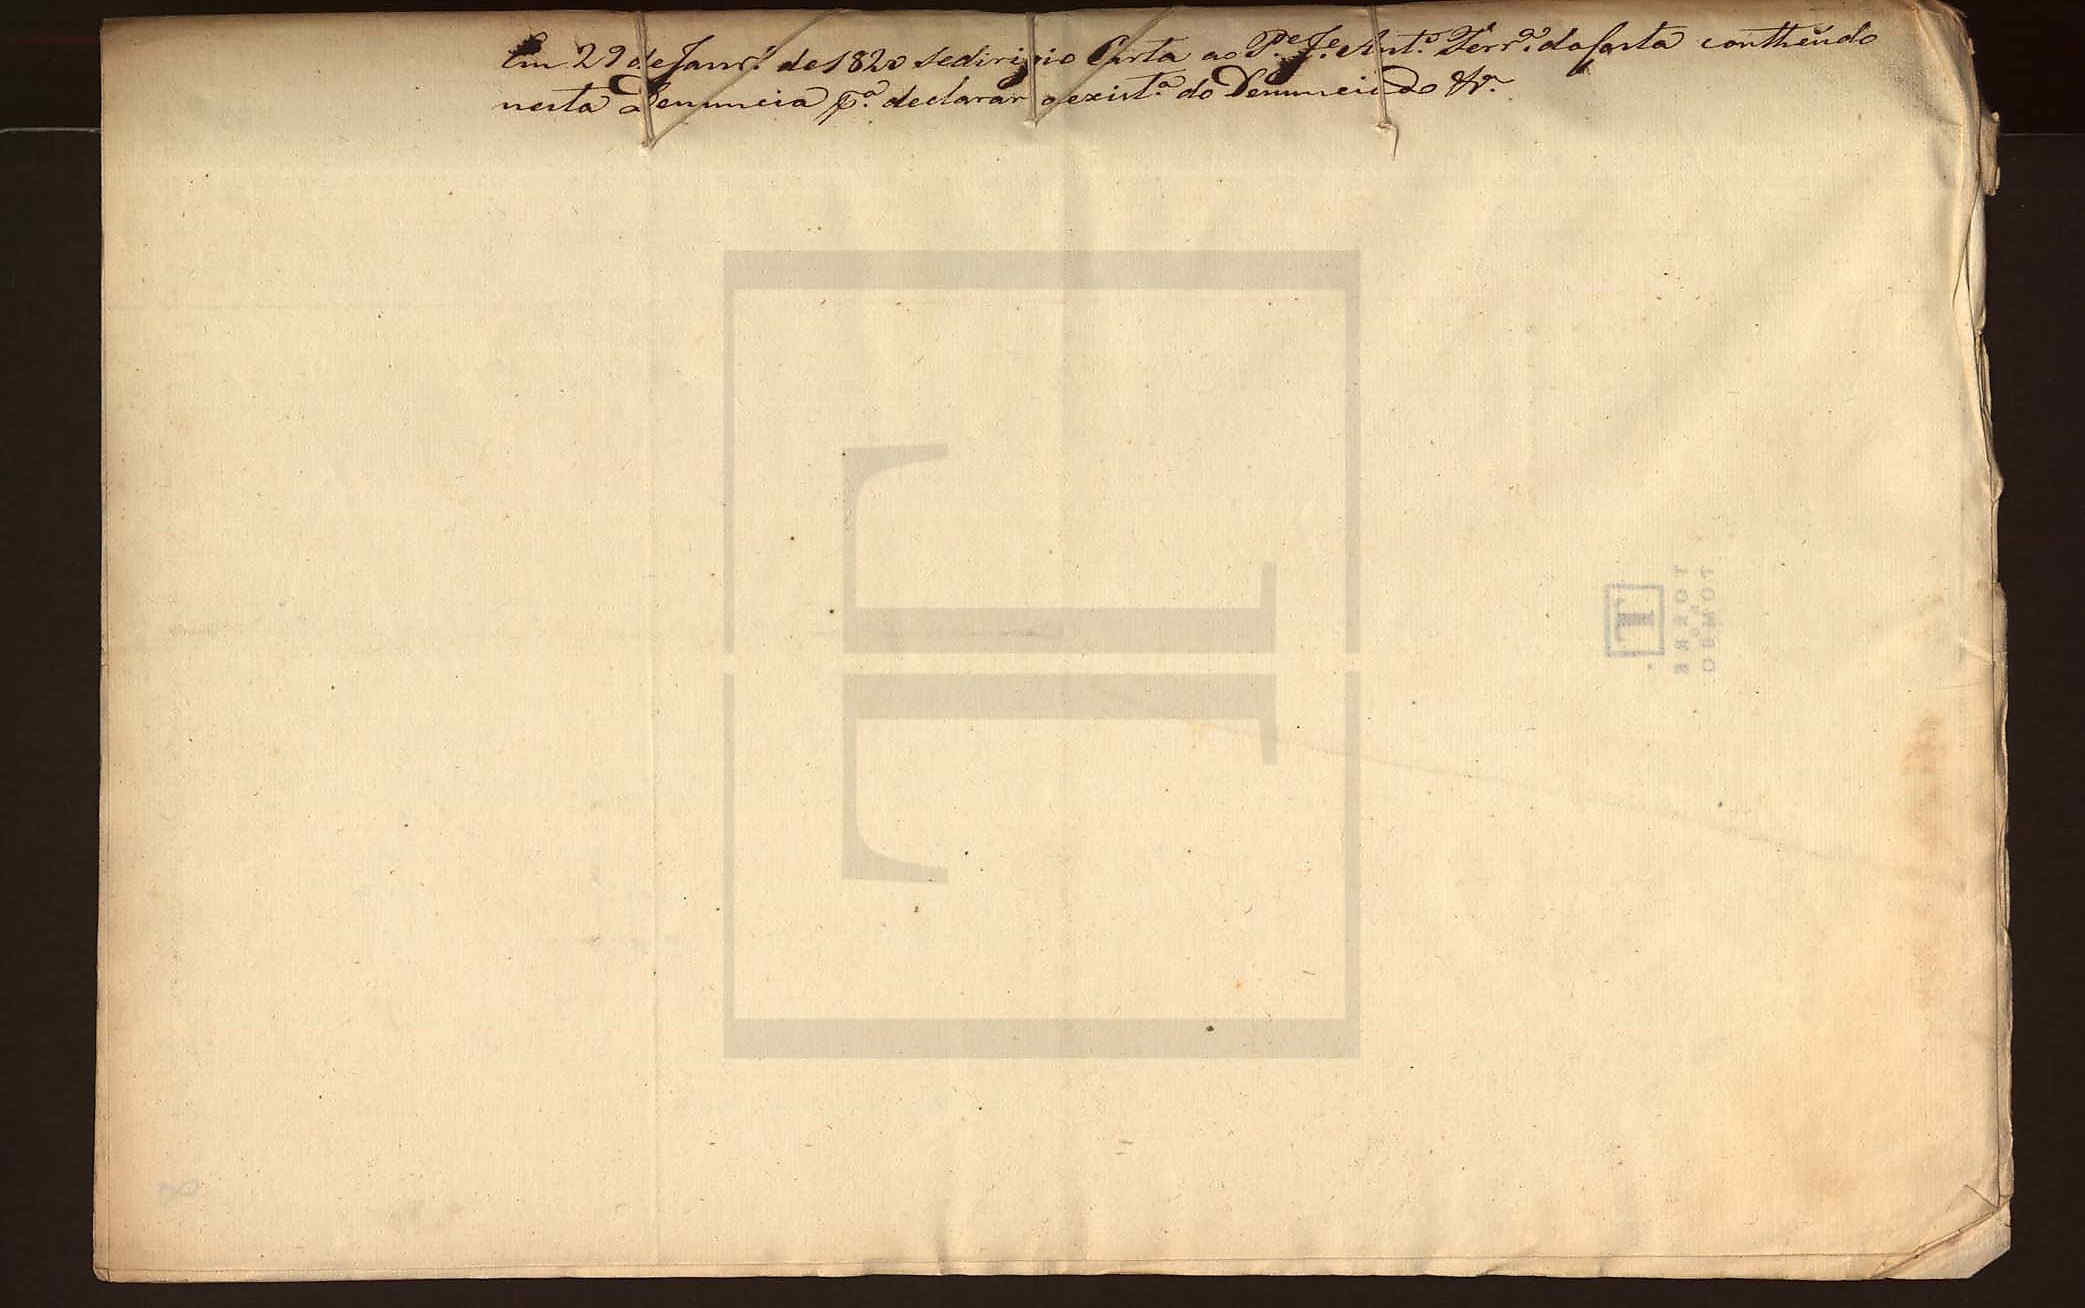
Em 29 de Janr.o de 1820 se dirigio Carta ao P.e J.e Ant.o Ferr.a da Costa contheudo
nesta Denuncia p.a declarar a exist.a do Denunciado &r.a
